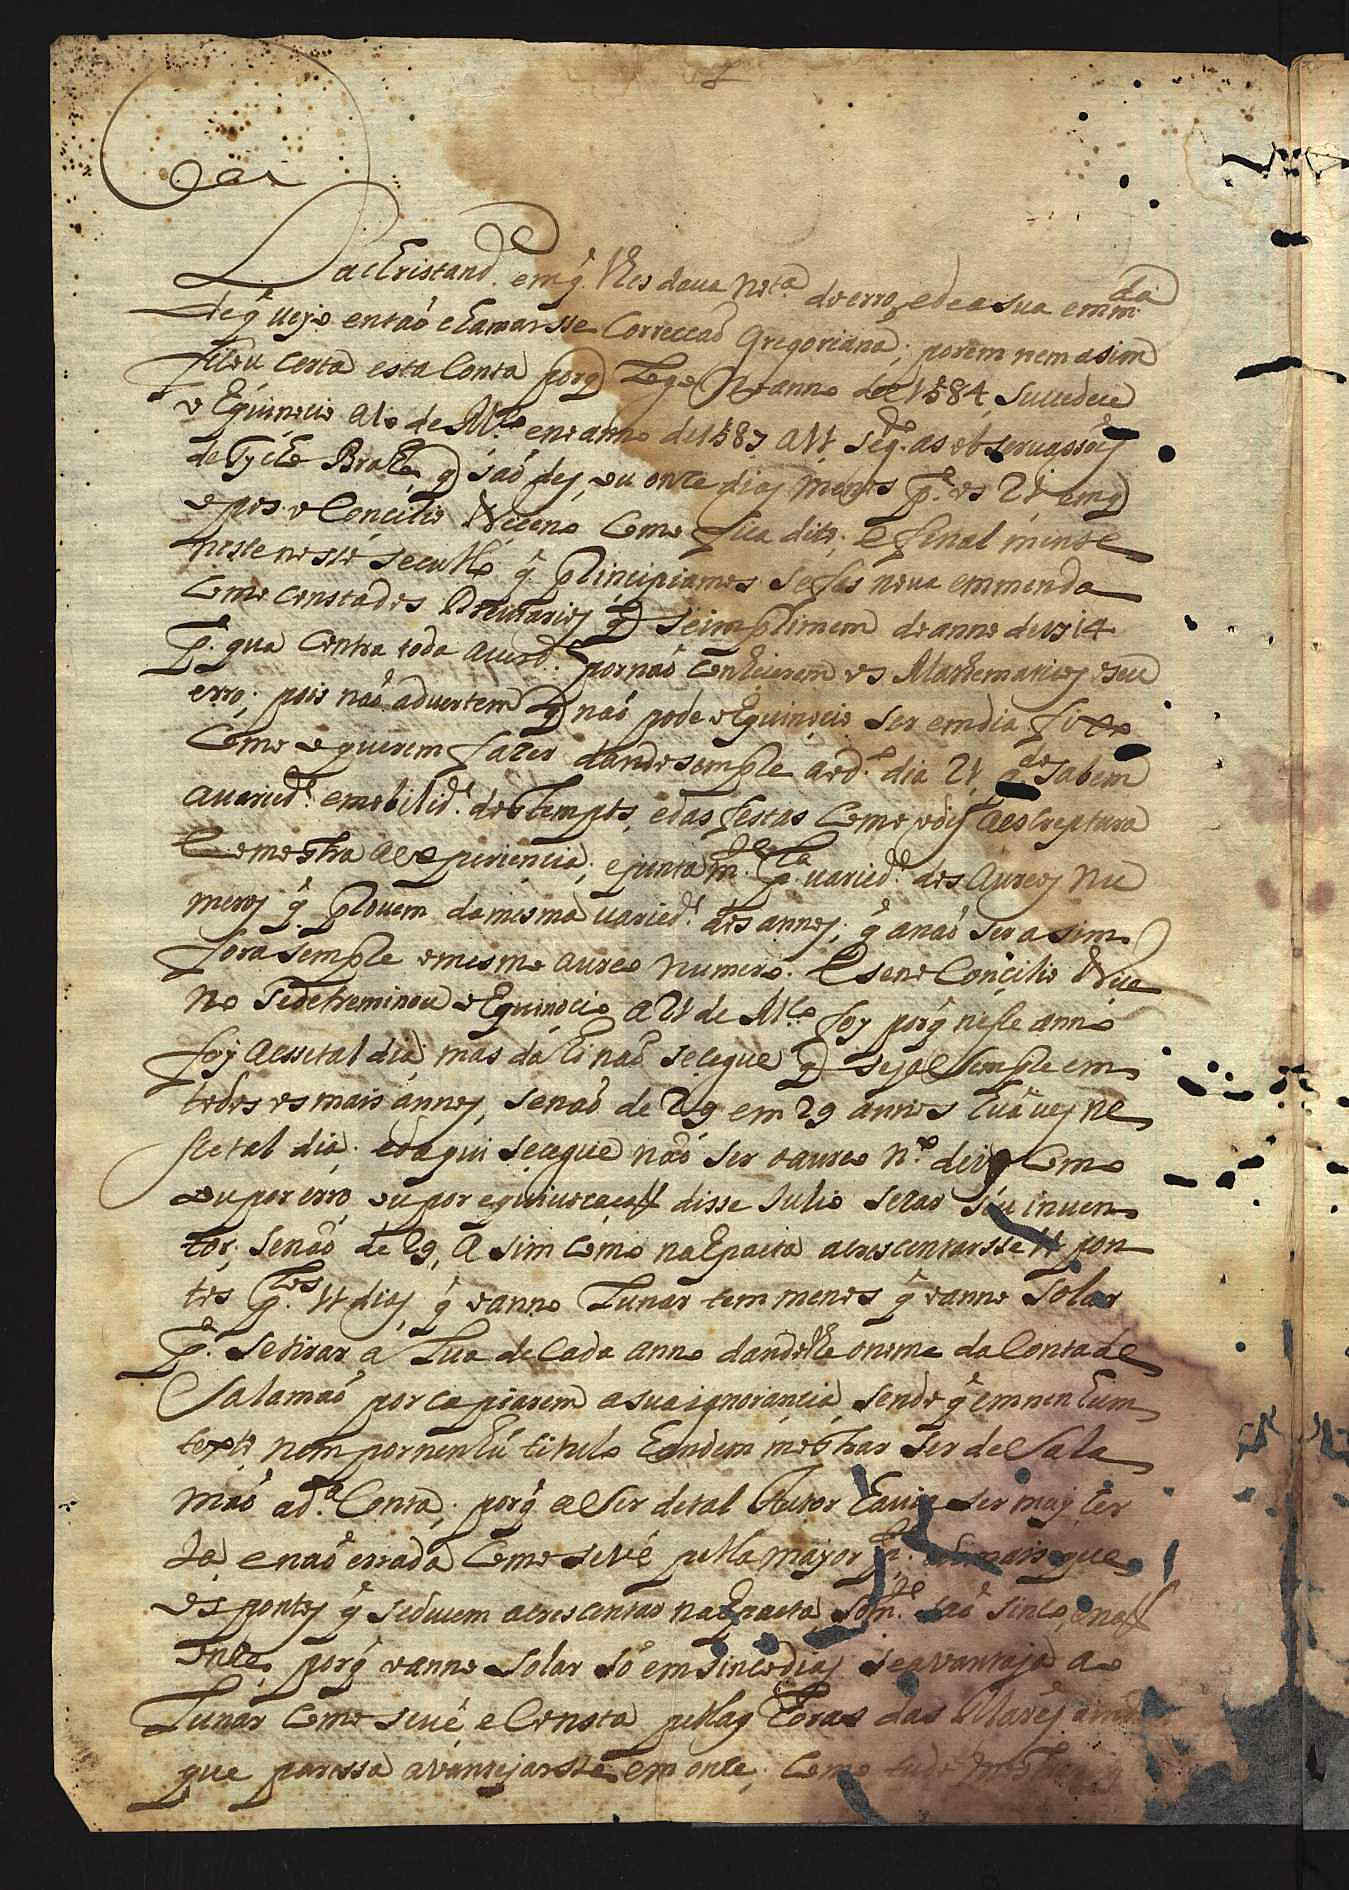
Da christand.e em q̄ lhes daua not.a do erro, e de a sua emm.da
de q̄ ueyo entaõ chamarsse Correcçaõ Gregoriana; porem nem asim
ficou certa esta conta porq̄ Logo no anno de 1584, succedece
o Equinocio a 10 de M.co e no anno de 1587 a 11, seg.do as obseruassoẽs
de Tycho Brahe, q̄ saõ des ou onze dias menos p.a os 21, em q̄
o pos o Concilio Niceno Como fica dito e finalmente
neste nosso secullo q̄ pRinçipiamos se fas noua emmenda
como consta dos Breuiarios q̄ se imprimem do anno de 17i4
p.a que contra toda a uerd.e por naõ conhecerem os Mathematicos o seu
erro; pois naõ aduertem q̄ naõ pode o Equinocio ser em dia fixo
Como o querem fazer dando sempre ao d.o dia 21, q.do sabem
a uaried.e e mobilid.e dos tempos, e das festas Como o dis a escriptura
E o mostra a experiencia; e juntamte p.la uaried.e dos aureos nu
meros q̄ prouem da mesma uaried.e dos annos; q̄ a naõ ser asim
fora sempRe o mesmo aureo numero. E se no Concilio Nice
no se detreminou o Equinocio a 21 de M.co foy porq̄ nesse anno
foy a esse tal dia, mas dahi naõ se cegue q̄ seja Sempre em
todos os mais annos, senaõ de 29, em 29 annos huā ues ne
sse tal dia; e daqui se cegue naõ ser o aureo n.o de i9 Como
ou por erro, ou por equiuocaçaõ disse Iulio sezar seu inuen
tor, senão de 29, asim como na Epacta acrescentarsse 11 pon
tos p.los 11 dias, q̄ o anno Lunar tem menos q̄ o anno solar
p.a se tirar a Lua de cada anno dandolhe o nome da Conta de
Salamaõ por copiarem a sua ignorancia, sendo q̄ em nenhum
texto, nem por nenhū titulo handem mostrar ser de Sala
maõ a d.a Conta; porq̄ a Ser de tal Autor haui_ ser muy Çer
ta, e naõ errada Como se vé pella mayor p.te _mais que
os pontos q̄ se deuem acrescentar na Epacta som.te saõ sinco, e naõ
onze, porq̄ o anno solar só em sinco dias se avantaja ao
Lunar como se uê, e consta pellas horas das Marês aind
que paressa avantejarsse em onze, como tudo mostra
